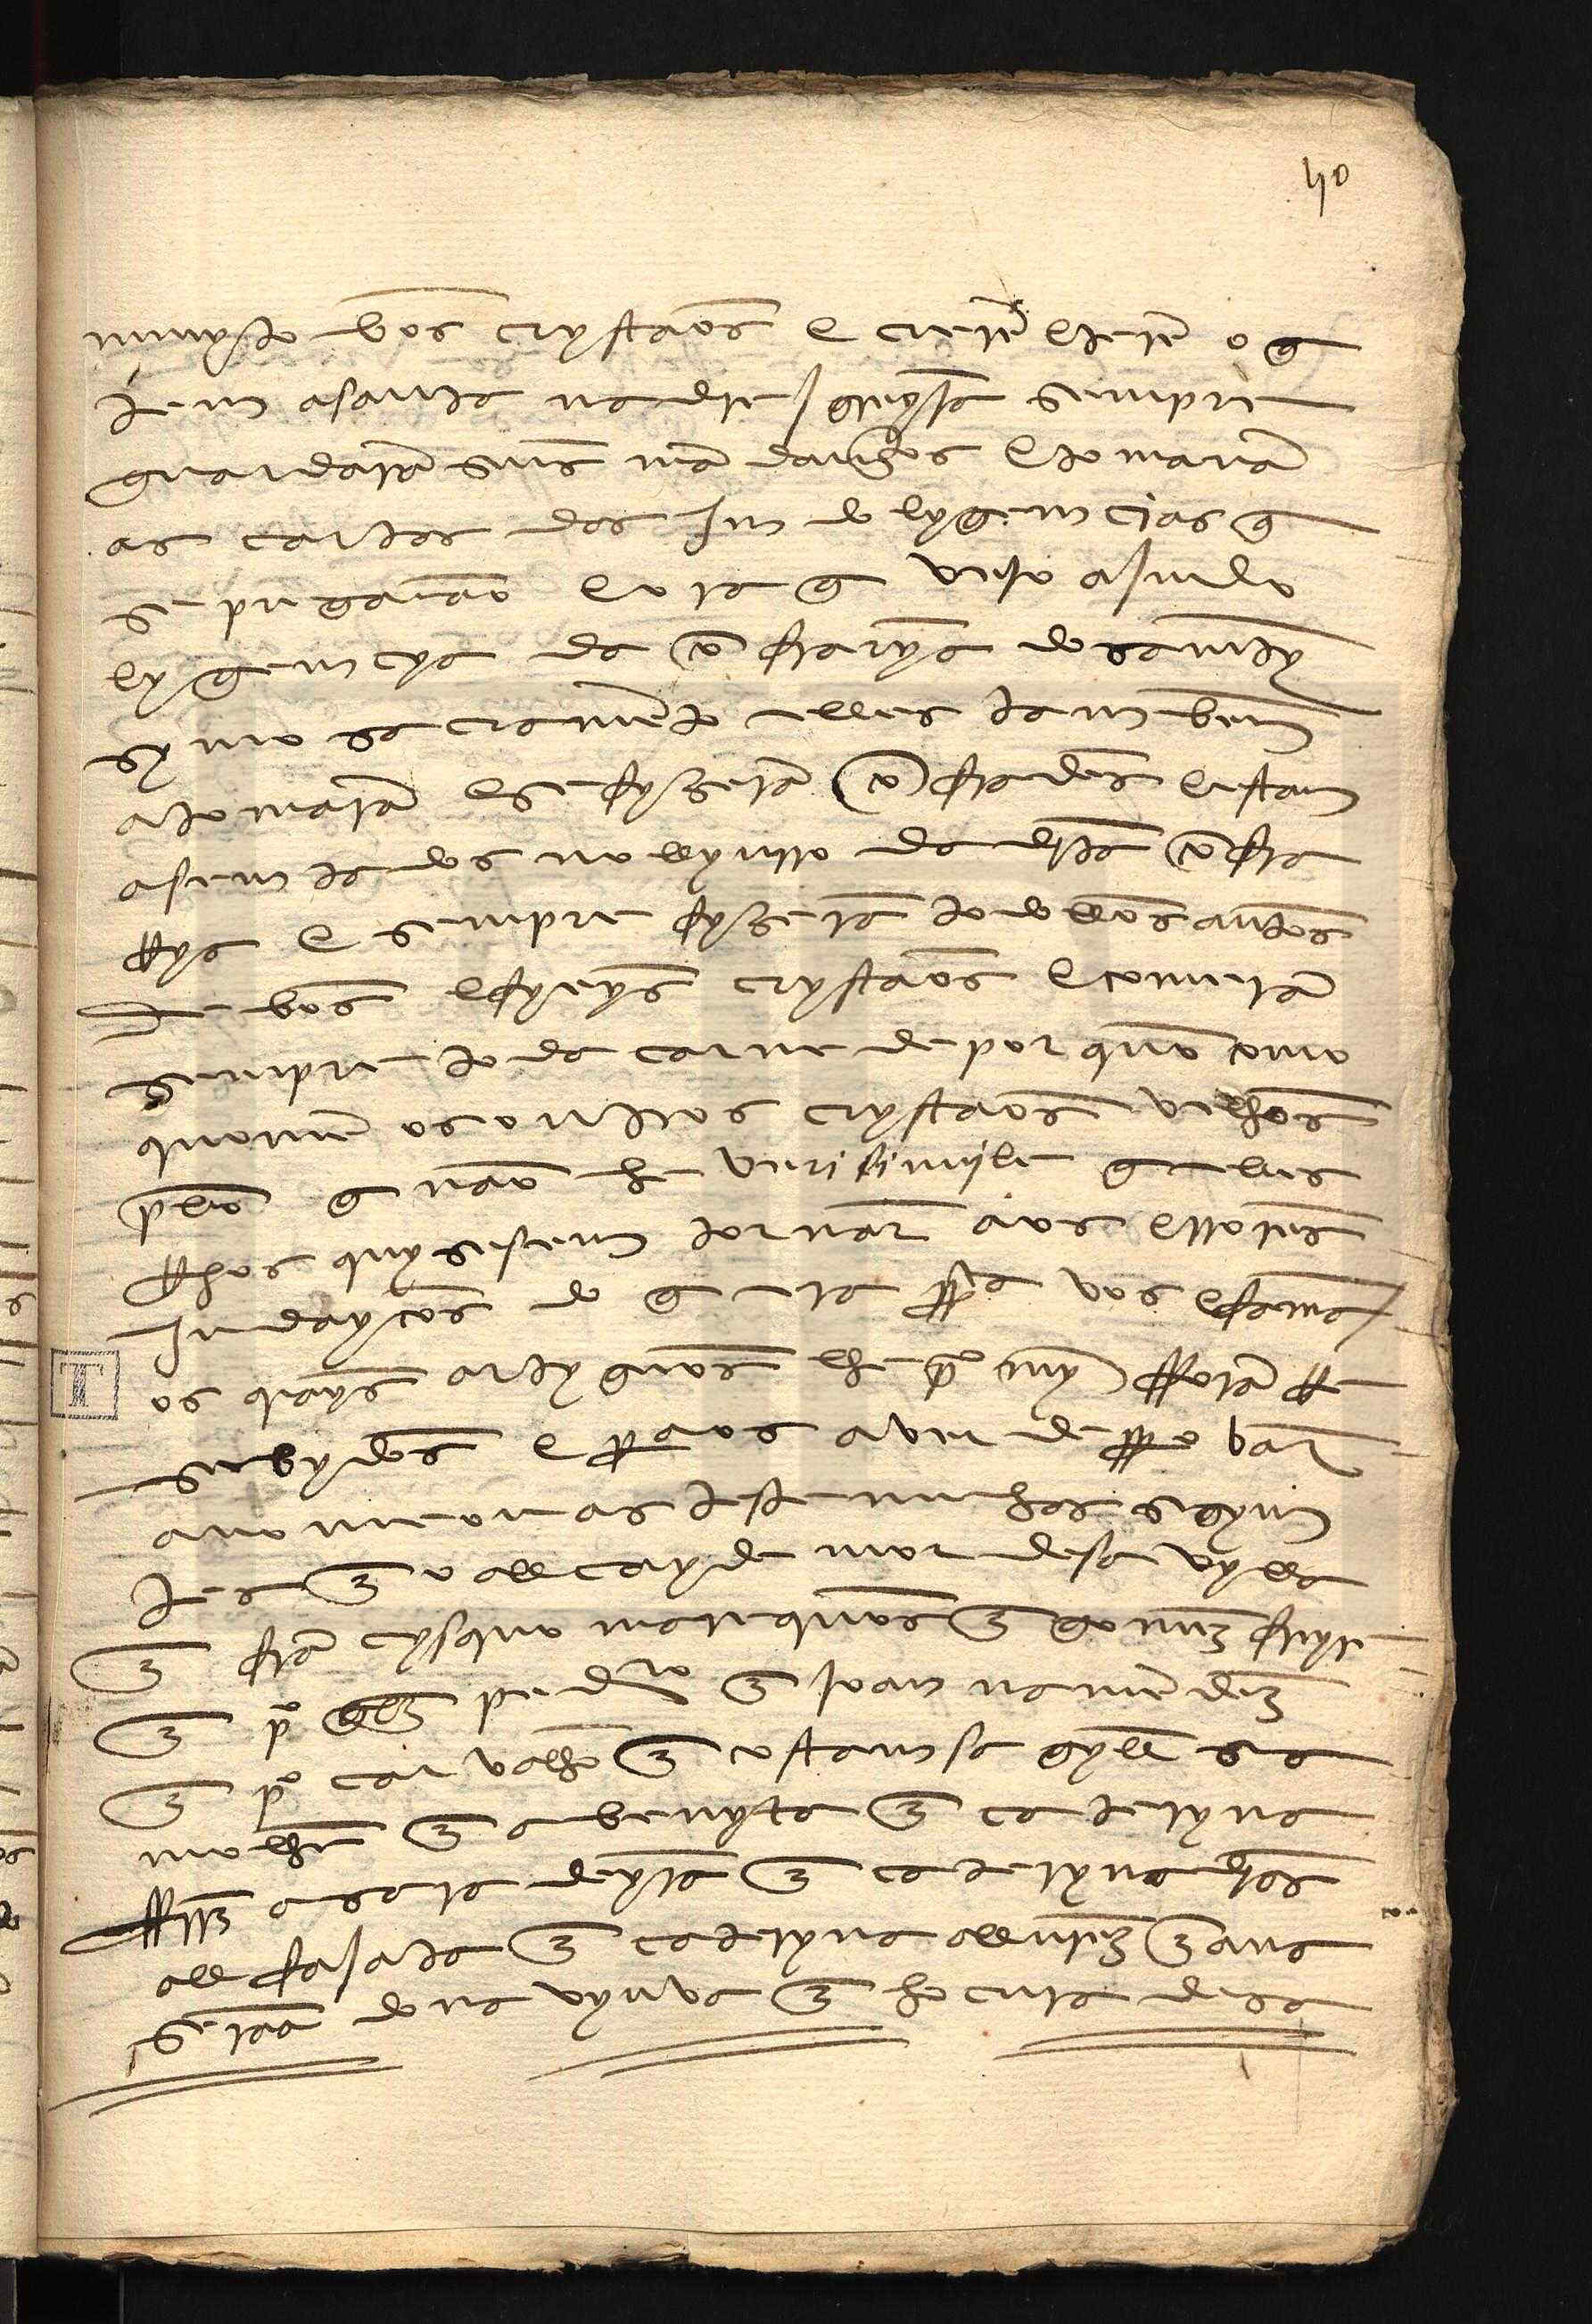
muyto b̄os crystãos e crerē e terē o q̄
tem a santa madre Jgreyja sempre
guardarā seus mādamtos e tomarā
as cartas das Jmdolygemcias q̄
se pregauão e ora q̄ vejo a Jmdo
lygemcya da c̄ofrarya do samty
symo sacramēto elles tambem
a tomarā e se fyzerā c̄ofrades e estam
asemtados no llyurro da djta c̄ofra
Rya e sempre fyzer̄a todollos autos
de bōs e fyeys crystaõs e comerā
sempre toda carne de porquo como
quomē os outros crystaõs velhos
p̄llo q̄ não he verisimjle q̄ elles
Rꝭos quysesem tornar aos errores
Judaycos do q̄ era ꝓpca vos e fama /
os quays artyguos lhe p̄o m̄y fforā Re
sebydos e ꝑa os aver de ꝓꝓovar
anomeou as testemunhas segym
tes item o allcayde mor desa vylla
item frācysquo marequos item gomez freyre
item po ḡlz pedro item Joanna mēdez
item po carvalho item costamsa gyll sua
molher item a benyta item cateryna
ffr̄rz a saradeyra item cateryna djas
allfaJata item cateryna allūrez item ana
sēraa dona vyuva item ho cura desa
